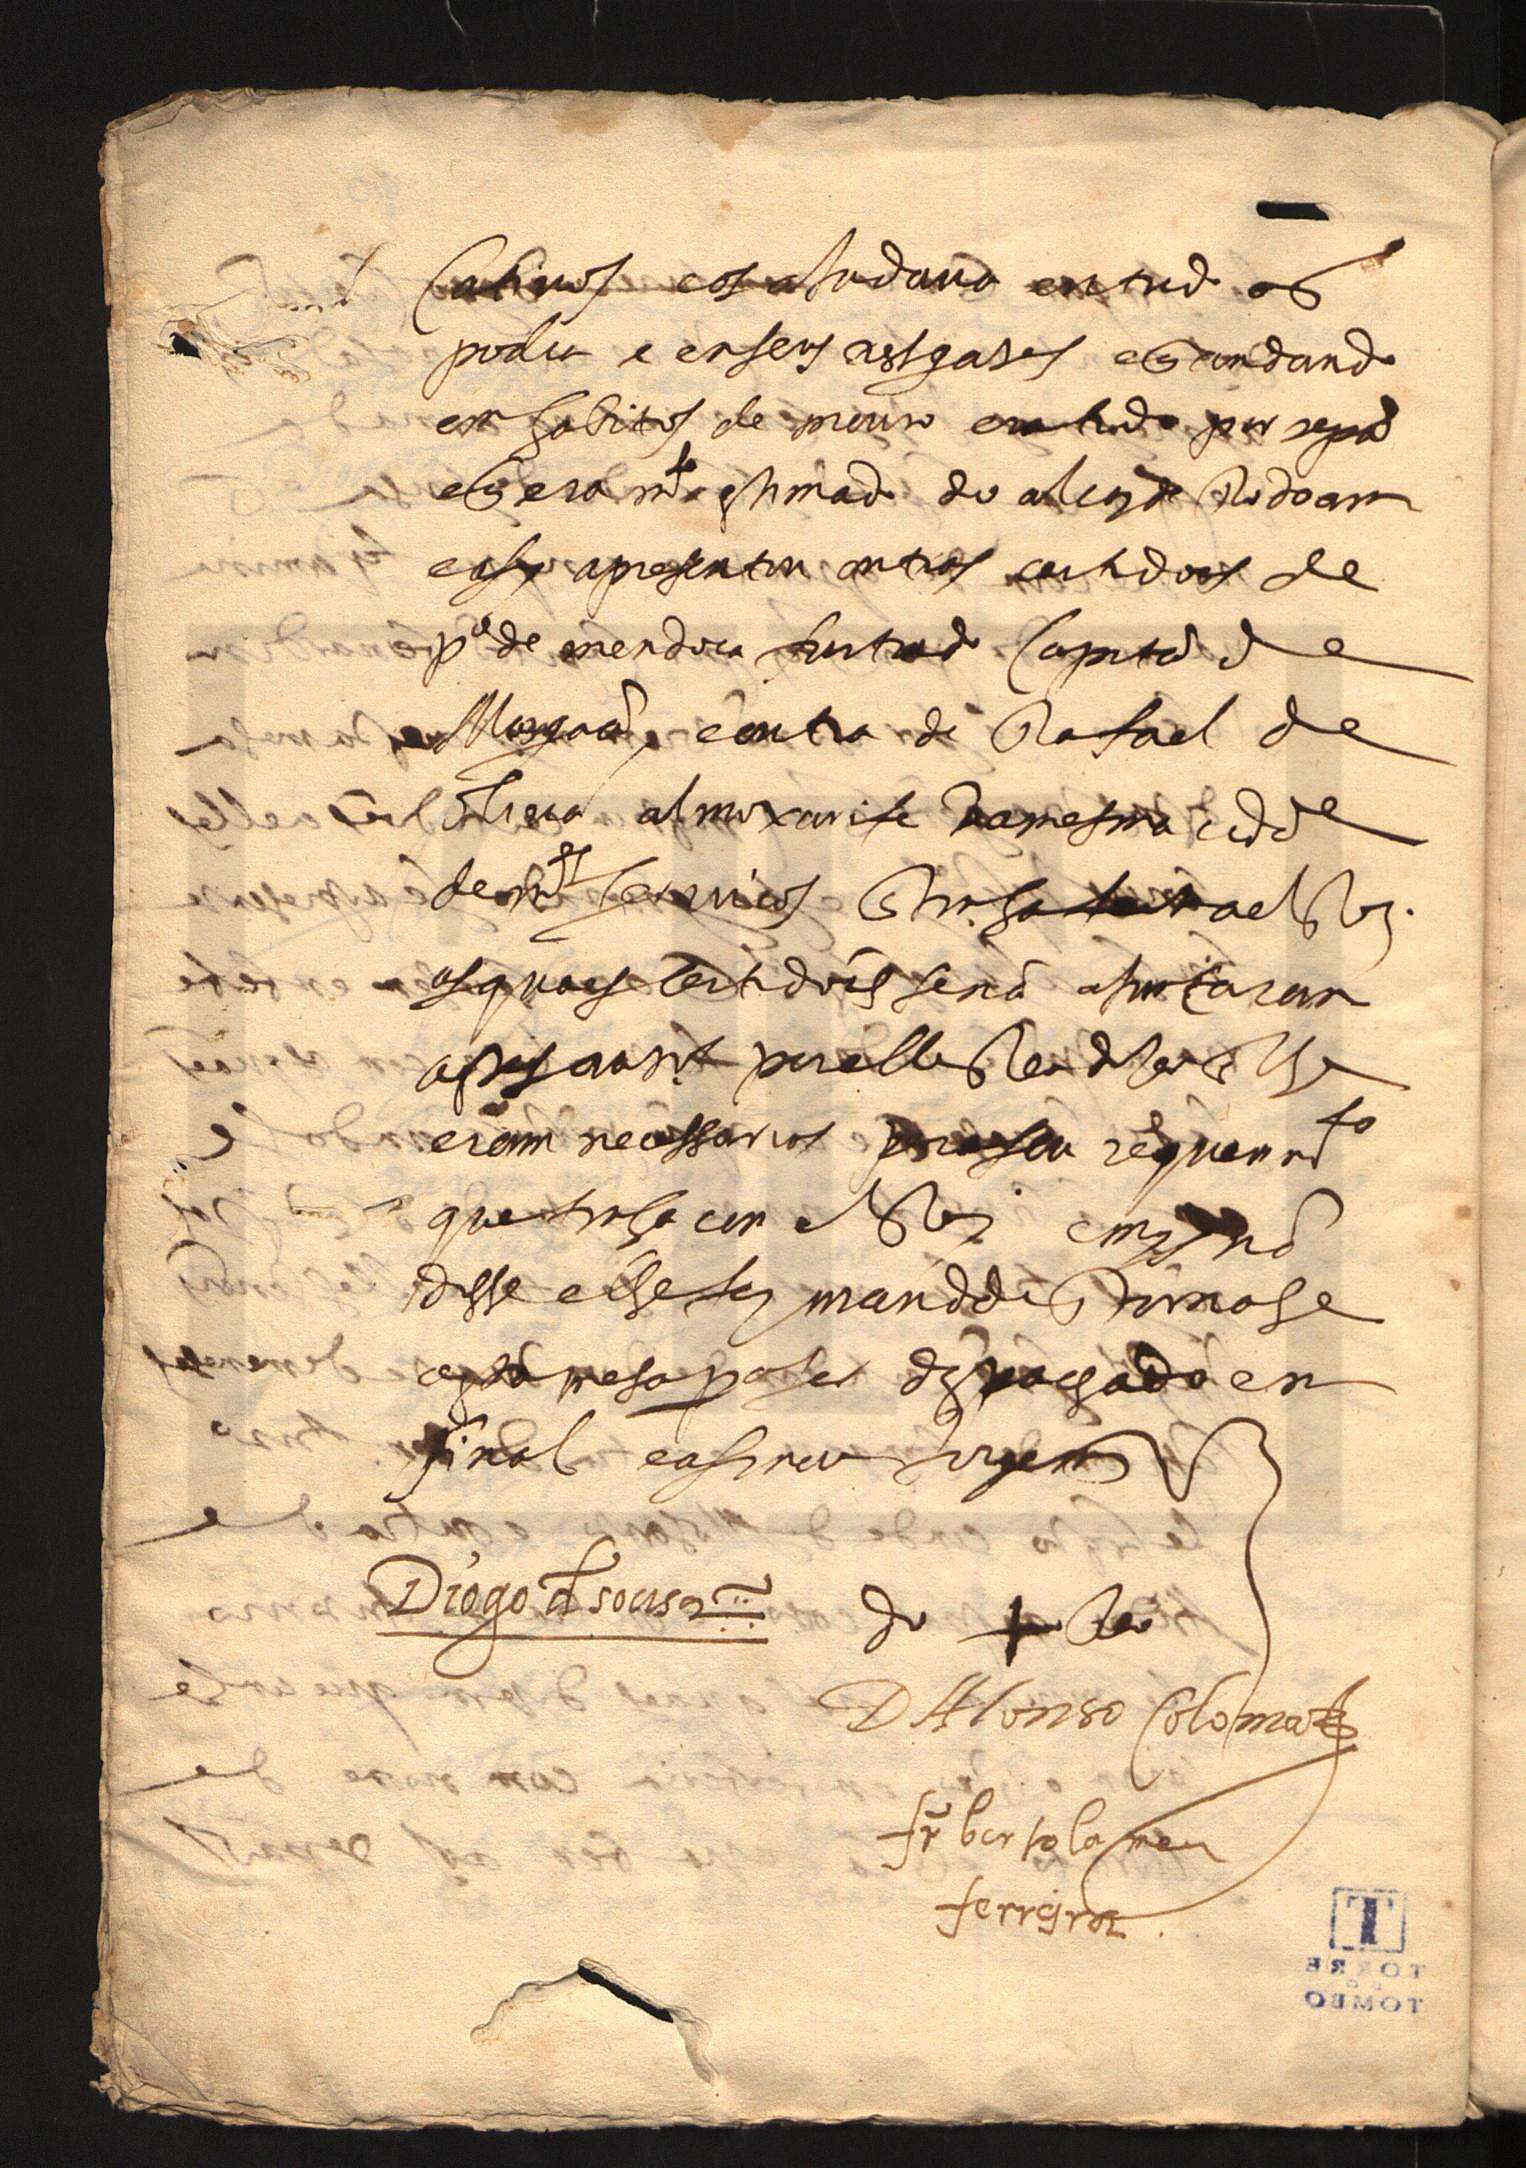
Catiuos e os aIudaua em tudo o q̄
podia e en seus reslgates e q̄ andando
em habitos de mouro era tido por xpaõ
e q̄ era mto estimado do alcajde Rodoam
e asy apresentou outras certidoes de
po de mendoca furtado Capitā de
Margaā, e outra de Rafael de
oliua almoxarife da mesma cidade
de mtos seruicos q̄ tinha feito a el Rej.
as quaes certidoĩs se nā aJuntaram
a estes autos por elle Reo dizer q̄ lhe
eram necessarias pera seu requerimto
que tinha con el Rej e majs nā
disse e lhe foj mandado q̄ tornase
a esta mesa ꝑa ser despachado en
sinal e asinou Jorge m̄
